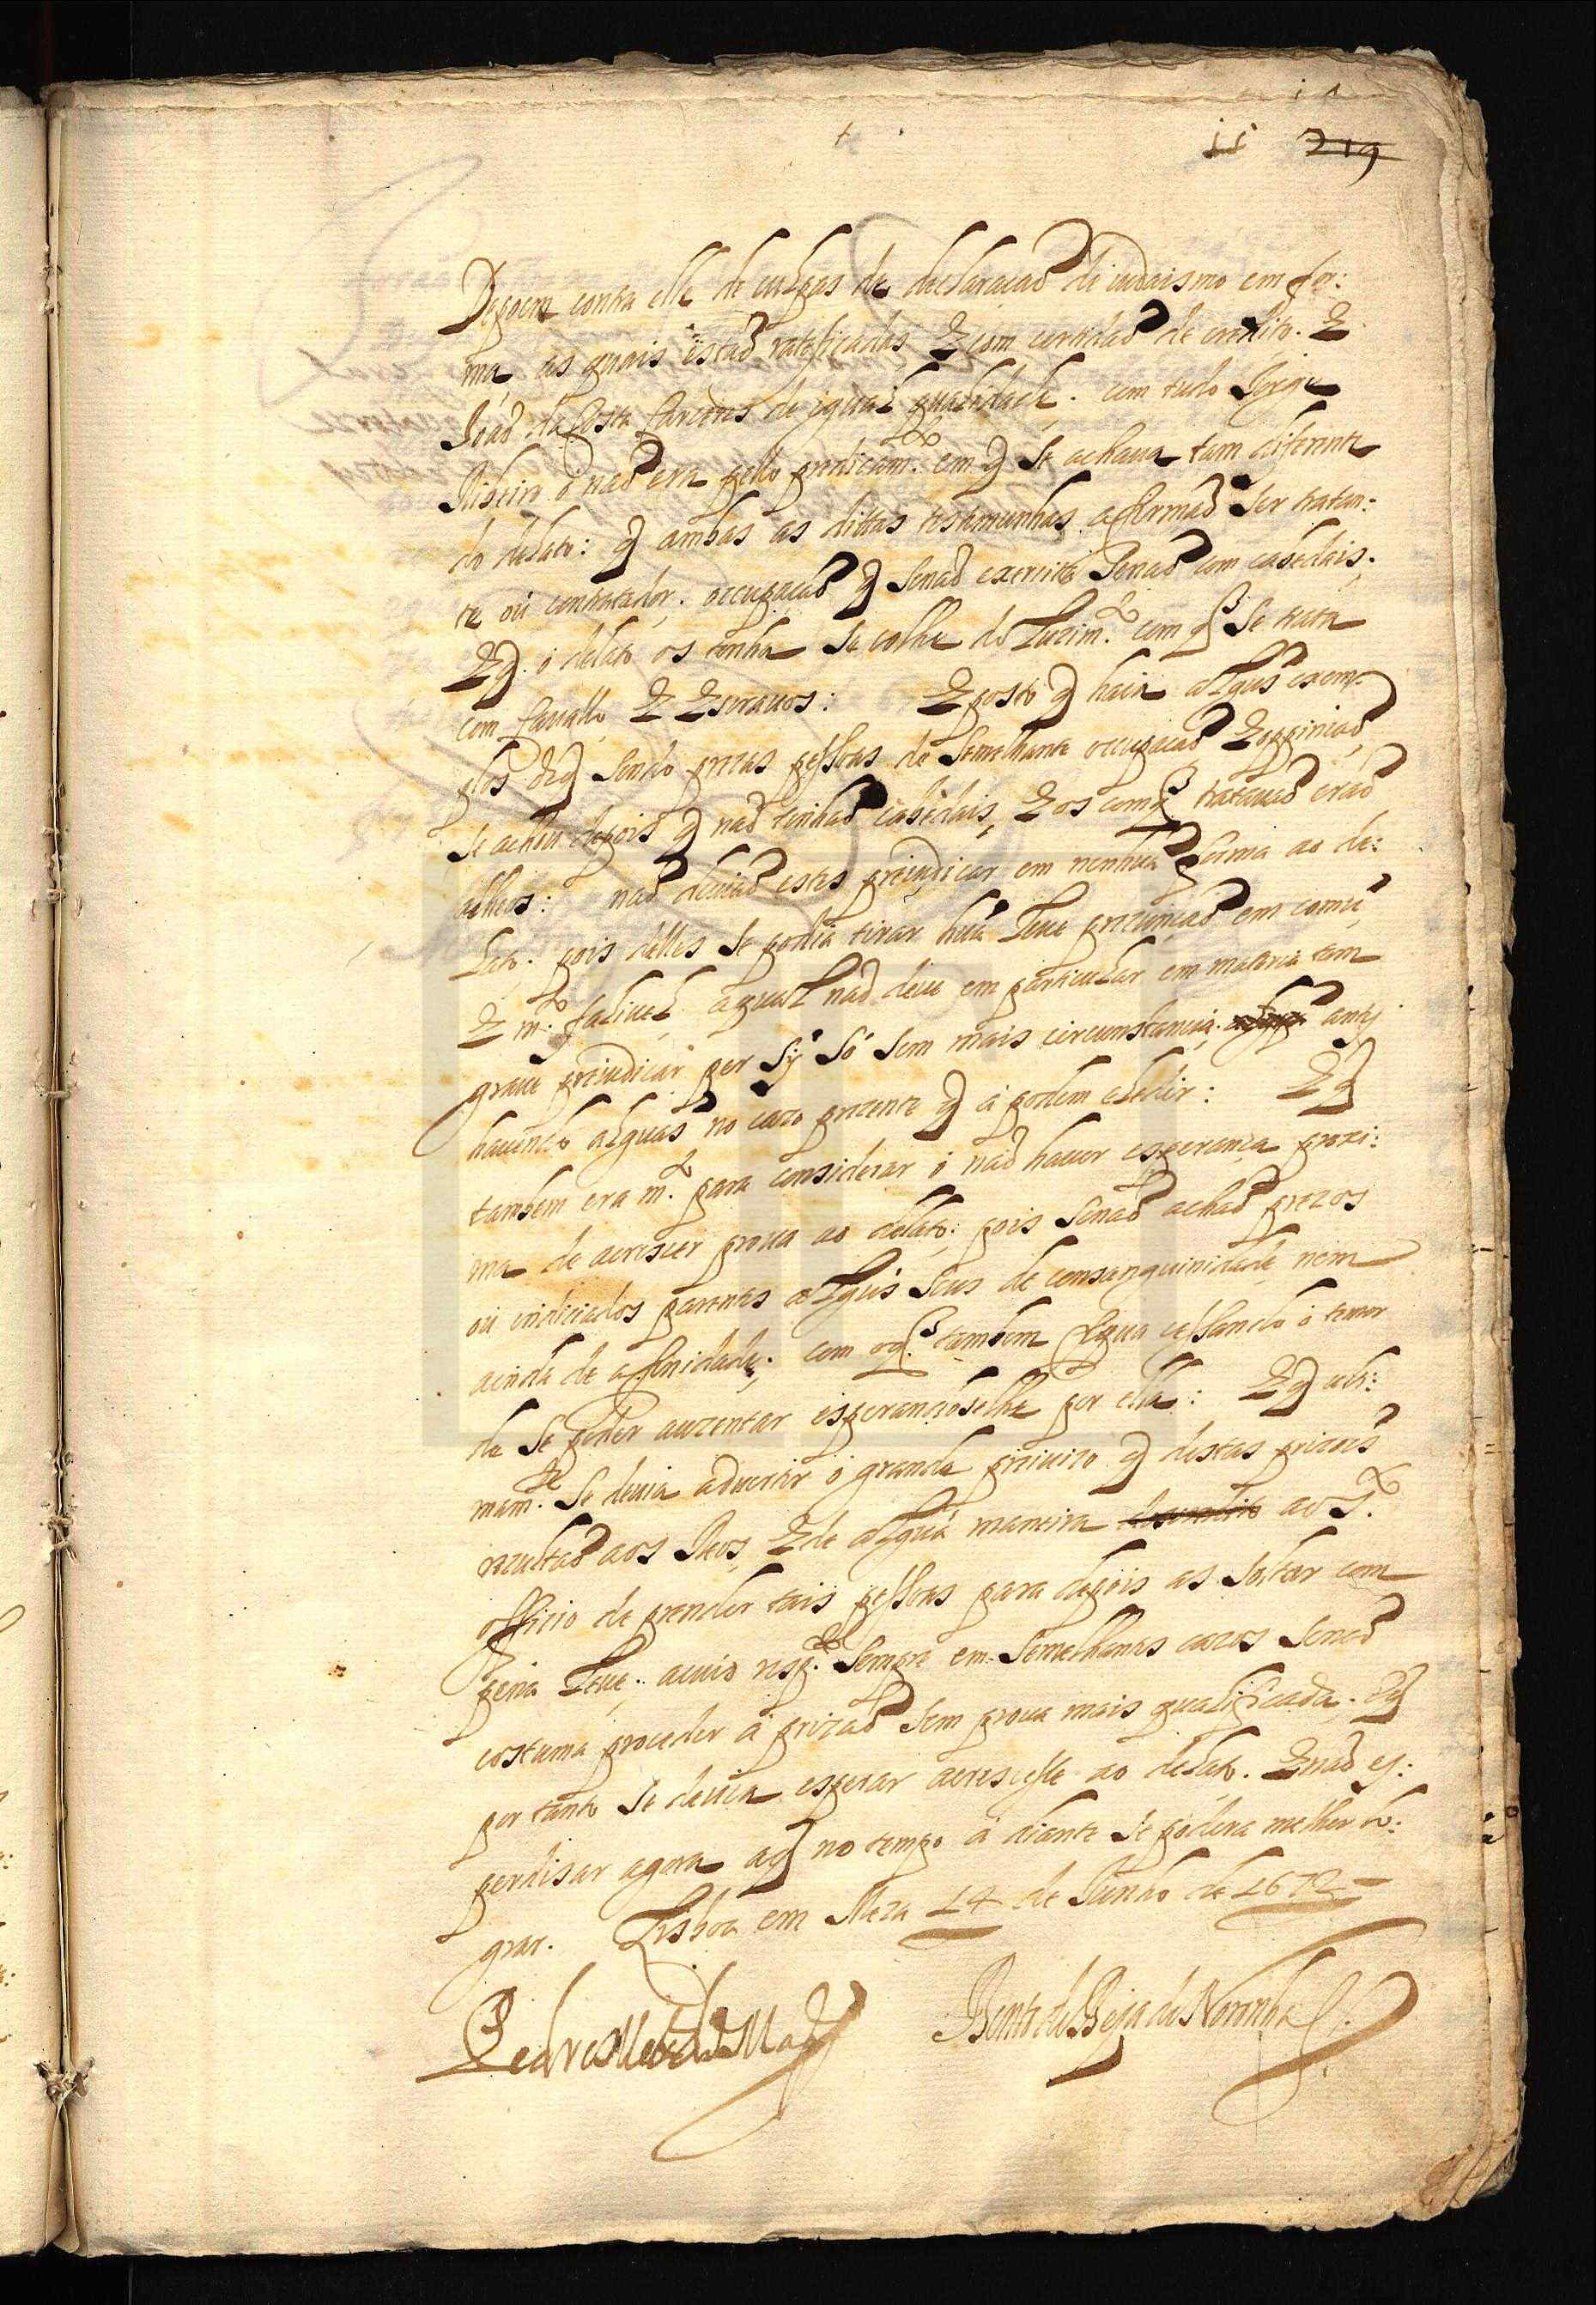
Depoem contra elle de culpas de declaraçaõ de iudaismo em for
ma, as quais esta rateficadas, E com certidaõ de credito. E
Ioaõ da Costa Carceres de igual qualidade, com tudo Iorge
Ribeiro o naõ era pello predicam.to em q̄ se achaua tam diferente
do delato: q̄ ambas as dittas testemunhas afirmaõ ser tratan
te, ou contratador; occupaçaõ q̄ se naõ exercitta senaõ com cabedais.
E q̄ o delato os tinha se colhe do Luzim.to com q̄ se trata
com Cauallo, E Escrauos: E posto q̄ haia algus̄ exem
plos de q̄ sendo prezas pessoas de semelhante occupaçaõ, E oppiniaõ
se achou depois q̄ naõ tinhaõ cabedais, E os com q̄ tratauaõ eraõ
alheos: naõ deuiaõ estes preiudicar em nenhuā forma ao de
Lato; pois delles se podia tirar huā leue prezunçaõ em comū
E m.to faliuel, a qual naõ deue em particular em materia tam
graue preiudicar per sy só sem mais circunstancia, alg antes
hauendo alguās no cazo prezente q̄ a podem eledir: E q̄
tambem era m.to para considerar o naõ hauer esperança proxi
ma de acrescer proua ao delato; pois se naõ achaõ prezos
ou indiciados parentes algus̄ seus de consanguinidade, nem
ainda de afinidade; com o q̄ tambem fiqua cessando o temor
de se poder auzentar esperandoselhe por ella: E q̄ ulti
mam.te se deuia aduertir o grande preiuizo q̄ destas prizoẽs
rezultaõ aos Reos, E de alguā maneira descredito ao S.to
officio de prender tais pessoas para depois as soltar com
pena leue; a cuio resp.to sempre em semelhantes cazos se naõ
costuma proceder a prizaõ sem proua mais qualificada. E q̄
por tanto se deuia esperar acrescesse ao delato. E não es
perdisar agora a q̄ no tempo adiante se podera melhor lo
grar. Lisboa em Meza 14 de Iunho de 1672
Bento de Beja de Noronha
Pedro Mexa de Mag.es
